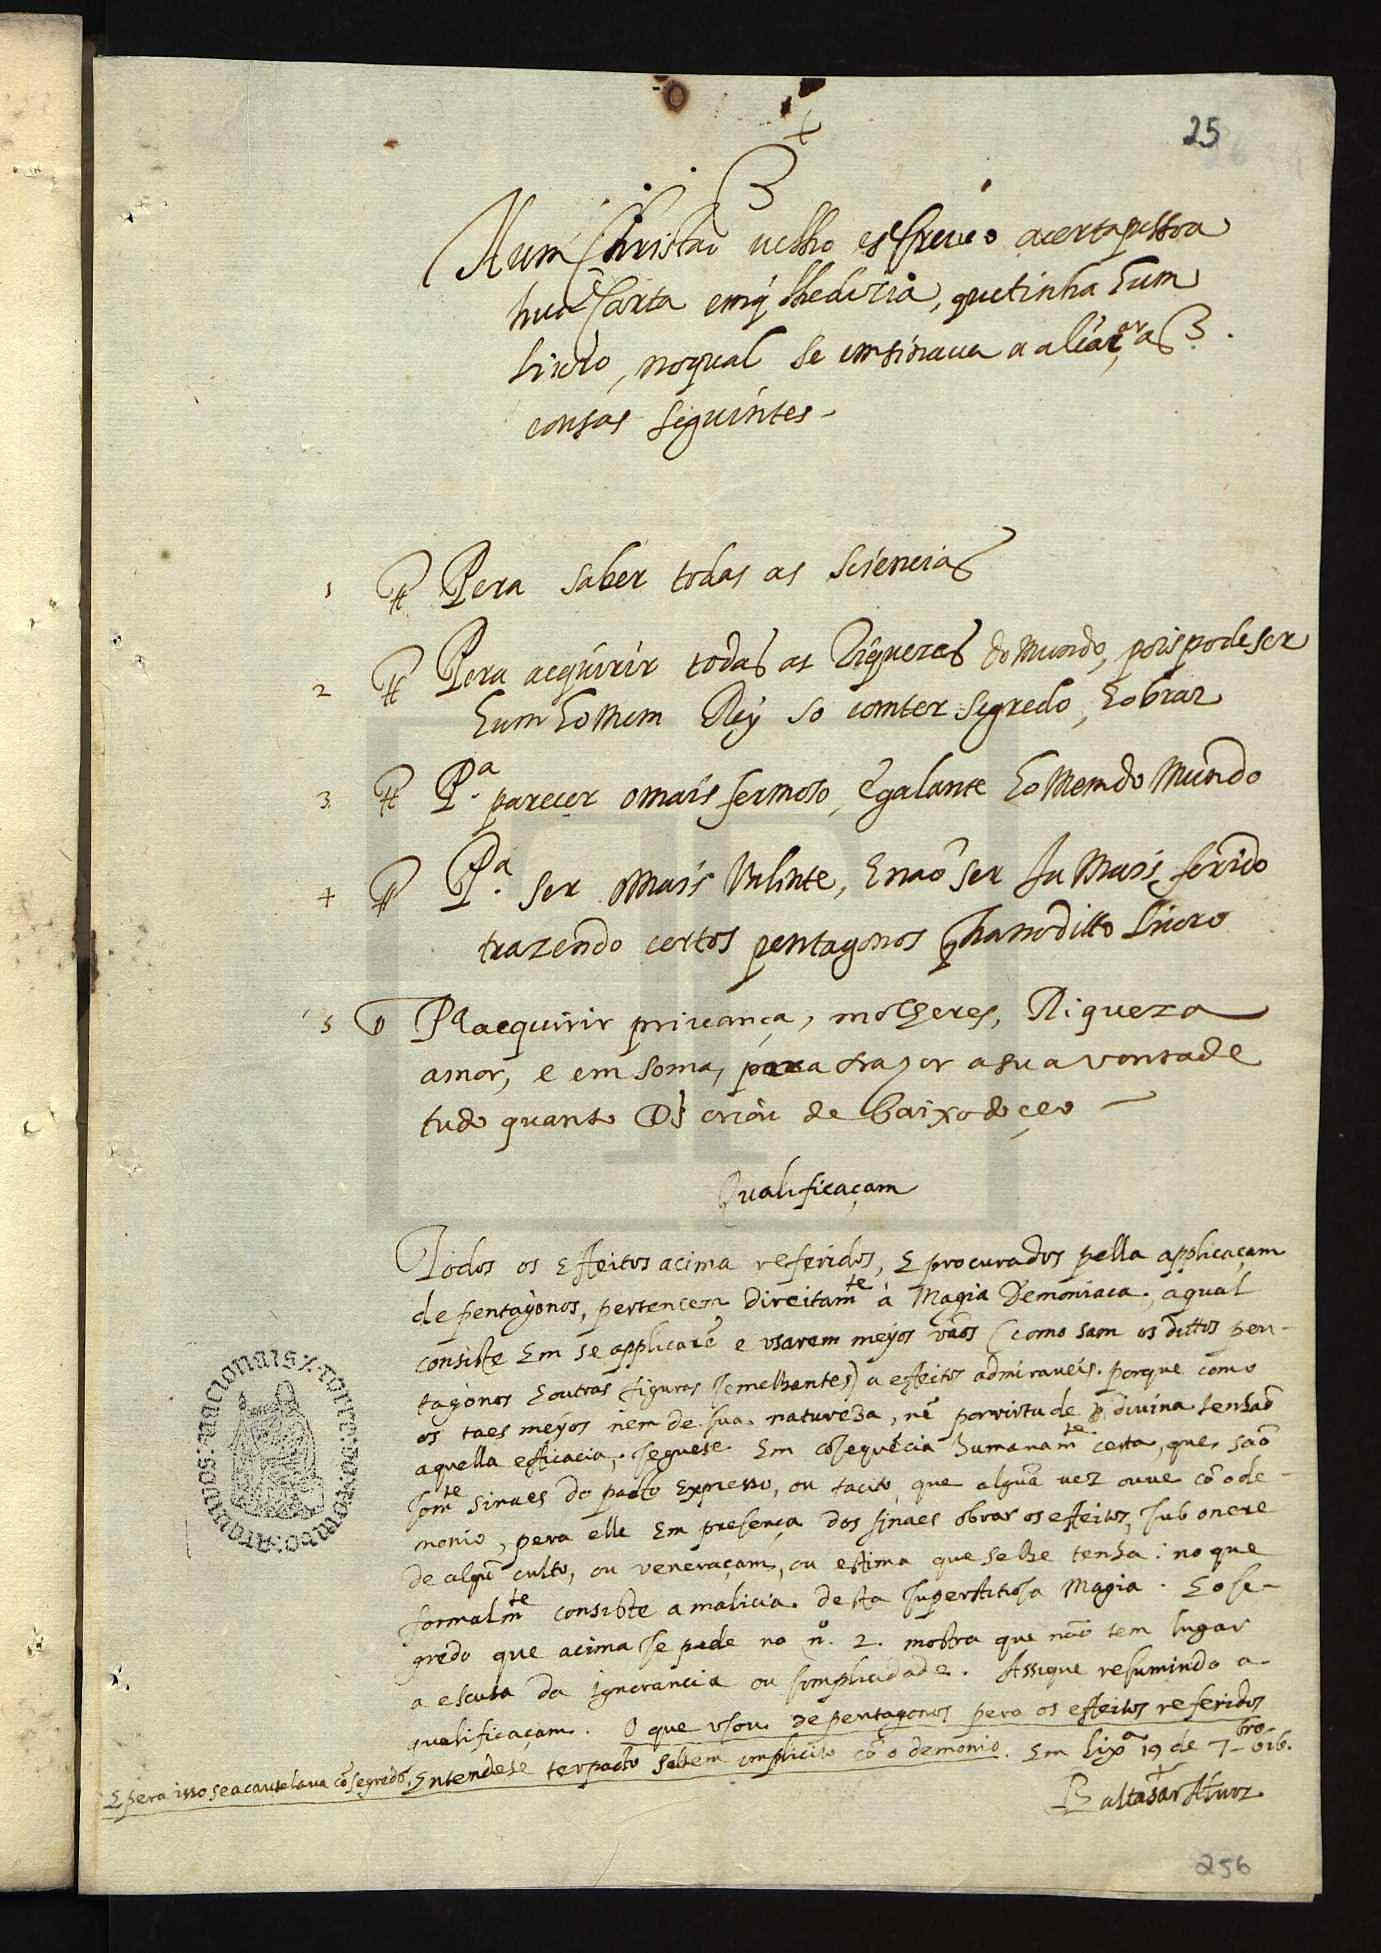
Hum Christaõ uelho esCreueo a certa pessoa
hua Carta em q̄ lhe dizia, que tinha hum
liuro, no qual se emsinaua a alcāçar as
cousas seguintes
1 item Pera saber todas as sciencias
2 item Pera acquirir todas as Riquezes do mundo, pois pode ser
hum homem Rey so com ter segredo, E obrar
3 item P.a parecer o mais fermoso, e galante homem do mundo
4 item P.a ser o mais Valente, E naõ ser Jamais ferido
trazendo certos pentagonos q̄ ha no ditto Liuro
5 item Pa acquirir priuança, molheres, Riqueza
amor, e em soma, pera trazer a sua vontade
tudo quanto Ds̄ criou debaixo do ceo
Qualificaçam
Todos os Efeitos acima referidos, E procurados pella applicaçam
de pentagonos, pertencem direitamte à Magia Demoniaca. a qual
consiste Em se applicarē e vsarem meyos vãos( como sam os dittos pen
tagonos E outras figuras semelhantes) a effeitos admiraueis. porque como
os taes meyos nem de sua natureza, nē por virtude diuina tenhão
aquella efficacia, seguese Em cōsequēcia humanamte certa, que saõ
somte sinaes do pacto Expresso, ou tacito, que alguā uez ouue cō o de
monio, pera elle Em presença dos sinaes obrar os effeitos, sub onere
de algū culto, ou veneraçam, ou estima que se lhe tenha : no que
formalmte consiste a malicia desta superstitiosa magia. E o se
gredo que acima se pede no no. 2. mostra que naõ tem lugar
a escusa da ignorancia ou simplicidade. Assi que resumindo a
qualificaçam. O que vsou de pentagonos pera os effeitos referidos
Entendese ter pacto saltem implicito cō o demonio. Em lixa 19 de 7bro 616.
E pera isso se acautelaua cō segredo
Baltasar Al̄urz
